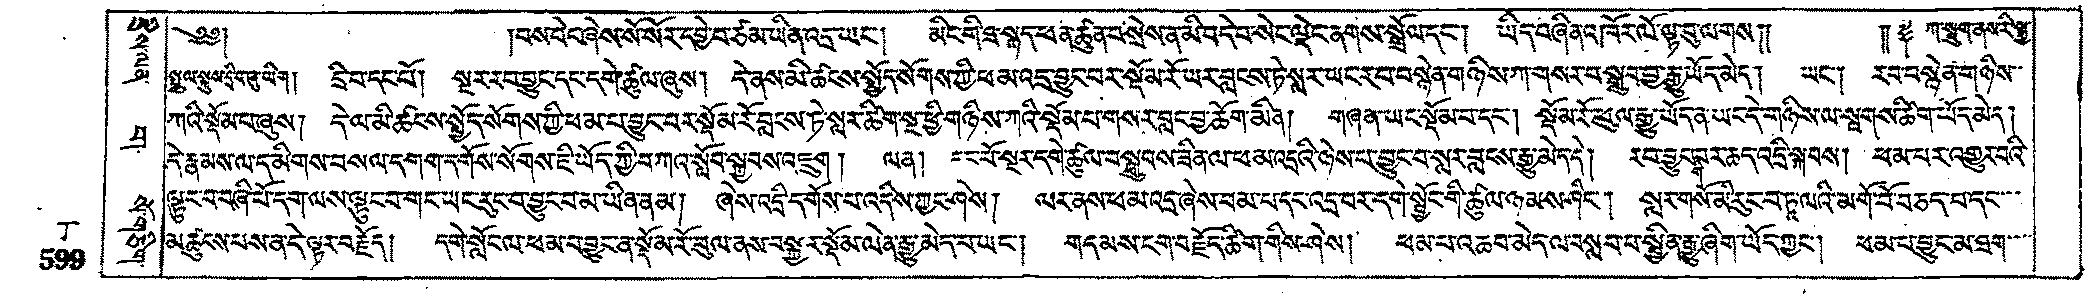༄༅། །བས་བེང་ཞེས་སོ་སོར་བྱེ་བ་ཙམ་ཡིན་འདྲ་ཡང་། མིང་གི་ཐ་སྙད་ཕན་ཚུན་བསྲེས་ན་མི་བདེ་བ་སེང་ལྡེང་ནགས་སྒྲོལ་དང་། ཡིད་བཞིན་འཁོར་ལོ་ལྟ་བུ་ལགས།། །།འ་ཀ་སྦུག་ནས་རི་སྐྱ་
སྤྲུལ་སྐུས་དྲི་བ་ཞུ་ཡིག། དྲི་བ་དང་པོ། སྔར་རབ་བྱུང་དང་དགེ་ཚུལ་ཞུས། དེ་ནས་མི་ཚངས་སྤྱོད་སོགས་ཀྱི་ཕམ་འདྲ་བྱུང་བར་སྡོམ་རོ་ཡར་བླངས་ཏེ་སླར་ཡང་རབ་བསྙེན་གཉིས་ཀ་གསར་བསྒྱུར་བྱ་རྒྱུ་ཡོད་མེད། ཡང་། རབ་བསྙེན་གཉིས་་་
ཀའི་སྡོམ་པ་ཞུས། དེ་ལ་མི་ཚངས་སྤྱོད་སོགས་ཀྱི་ཕམ་པ་བྱུང་བར་སྡོམ་རོ་བླངས་ཏེ་སླར་ཚིག་སྔ་ཕྱི་གཉིས་ཀའི་སྡོམ་པ་གསར་བླང་བྱ་ཆོག་མིན། གཞན་ཡང་སྡོམ་པ་དང་། སྡོམ་རོ་ཕུལ་རྒྱུ་ཡོད་ན་ཡང་དེ་གཉིས་ལ་སྦགས་ཚིག་ཡོད་མེད།
དེ་རྣམས་ལ་དམིགས་བསལ་དགག་དགོས་སོགས་ཇི་ཡོད་ཀྱི་བཀའ་སློབ་སྐྱབས་འཇུག། ལན། དང་པོ་སྔར་དགེ་ཚུལ་བསྒྲུབས་ཟིན་ལ་ཕམ་འདྲའི་ཉེས་པ་བྱུང་བ་སླར་བླངས་རྒྱུ་མེད་དེ། རབ་བྱུང་གི་བར་ཆད་འདྲི་སྐབས། ཕམ་པར་འགྱུར་བའི་
ལྟུང་བ་བཞི་པོ་དག་ལས་ལྟུང་བ་གང་ཡང་རུང་བ་བྱུང་བ་མ་ཡིན་ནམ། ཞེས་འདྲི་དགོས་པ་འདིས་ཀྱང་ཤེས། ལར་ནས་ཕམ་འདྲ་ཞེས་ཕམ་པ་དང་འདྲ་བར་དགེ་སྦྱིན་གི་ཚུལ་ཉམས་ཤིང་། སླར་གསོ་མི་རུང་བ་ཏཱ་ལའི་མགོ་བོ་བཅད་པ་དང་་་
མཚུངས་པས་ན་དེ་ལྟར་བརྗོད། དགེ་སློང་ལ་ཕམ་པ་བྱུང་ན་སྡོམ་རོ་ཕུལ་ནས་བསྐྱར་སྡོམ་ལེན་རྒྱུ་མེད་པ་ཡང་། གདམས་ངག་བརྗོད་ཚིག་གིས་ཤེས། ཕམ་པ་འཆབ་མེད་ལ་བསླབ་པ་སྦྱིན་རྒྱུ་ཞིག་ཡོད་ཀྱང་། ཕམ་པ་བྱུང་མ་ཐག་་་